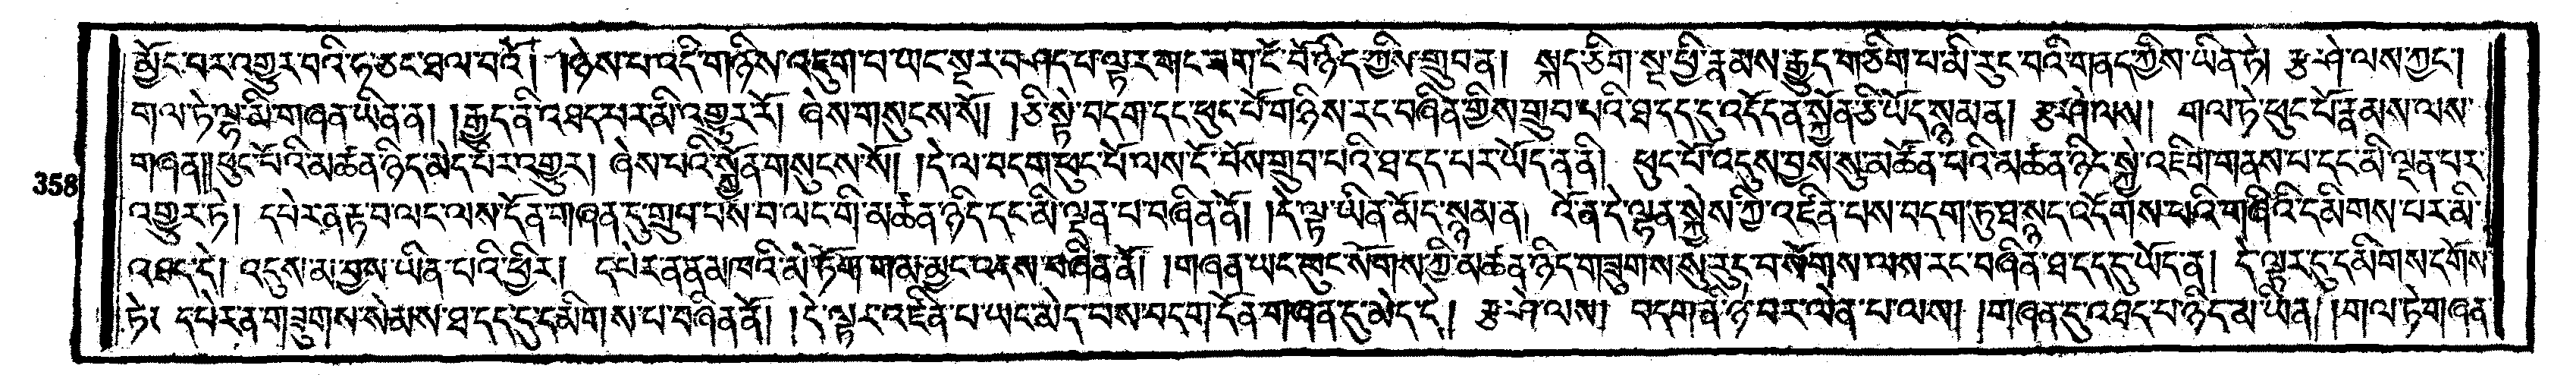མྱོང་བར་འགྱུར་བའི་ཧ་ཅང་ཐལ་བའོ། །ཉེས་པ་འདི་གཉིས་འཇུག་པ་ཡང་སྔར་བཤད་པ་ལྟར་གང་ཟག་ངོ་བོ་ཉིད་ཀྱིས་གྲུབ་ན། སྐད་ཅིག་སྔ་ཕྱིར་རྣམས་རྒྱུད་གཅིག་པ་མི་རུང་བའི་གནད་ཀྱིས་ཡིན་ཏེ། རྩ་ཤེ་ལས་ཀྱང་།
གལ་ཏེ་ལྷ་མི་གཞན་ཡིན་ན། །རྒྱུད་ནི་འཐད་པར་མི་འགྱུར་རོ། ཞེས་གསུངས་སོ། །ཅི་སྟེ་བདག་དང་ཕུང་པོ་གཉིས་རང་བཞིན་གྱིས་གྲུབ་པའི་ཐ་དད་དུ་འདོད་ན་སྐྱོན་ཅི་ཡོད་སྙམ་ན། རྩ་ཤེ་ལས། གལ་ཏེ་ཕུང་པོ་རྣམས་ལས་
གཞན། །ཕུང་པོའི་མཚན་ཉིད་མེད་པར་འགྱུར། ཞེས་པའི་སྐྱོན་གསུངས་སོ། །དེ་ལ་བདག་ཕུང་པོ་ལས་ངོ་བོས་གྲུབ་པའི་ཐ་དད་པར་ཡོད་ན་ནི། ཕུང་པོ་འདུས་བྱས་སུ་མཚོན་པའི་མཚན་ཉིད་སྐྱེ་འཇིག་གནས་པ་དང་མི་ལྡན་པར་
འགྱུར་ཏེ། དཔེར་ན་རྟ་བ་ལང་ལས་དོན་གཞན་དུ་གྲུབ་པས་བ་ལང་གི་མཚན་ཉིད་དང་མི་ལྡན་པ་བཞིན་ནོ། །དེ་ལྟ་ཡིན་མོད་སྙམ་ན། འོ་ན་དེ་ལྷན་སྐྱེས་ཀྱི་འཛིན་པས་བདག་ཏུ་ཐ་སྙད་འདོགས་པའི་གཞིའི་དམིགས་པར་མི་
འཐད་དེ། འདུས་མ་བྱས་ཡིན་པའི་ཕྱིར། དཔེར་ན་ནམ་མཁའི་མེ་ཏོག་གམ་མྱང་འདས་བཞིན་ནོ། །གཞན་ཡང་ཕུང་སོགས་ཀྱི་མཚན་ཉིད་གཟུགས་སུ་རུང་བ་སོགས་ལས་རང་བཞིན་ཐ་དད་དུ་ཡོད་ན། དེ་ལྟར་དུ་དམིགས་དགོས་
ཏེ། དཔེར་ན་གཟུགས་སེམས་ཐ་དད་དུ་དམིགས་པ་བཞིན་ནོ། །དེ་ལྟར་འཛིན་པ་ཡང་མེད་པས་བདག་དོན་གཞན་དུ་མེད་དེ། རྩ་ཤེ་ལས། བདག་ནི་ཉེ་བར་ལེན་པ་ལས། །གཞན་དུ་འཐད་པ་ཉིད་མ་ཡིན། །གལ་ཏེ་གཞན་